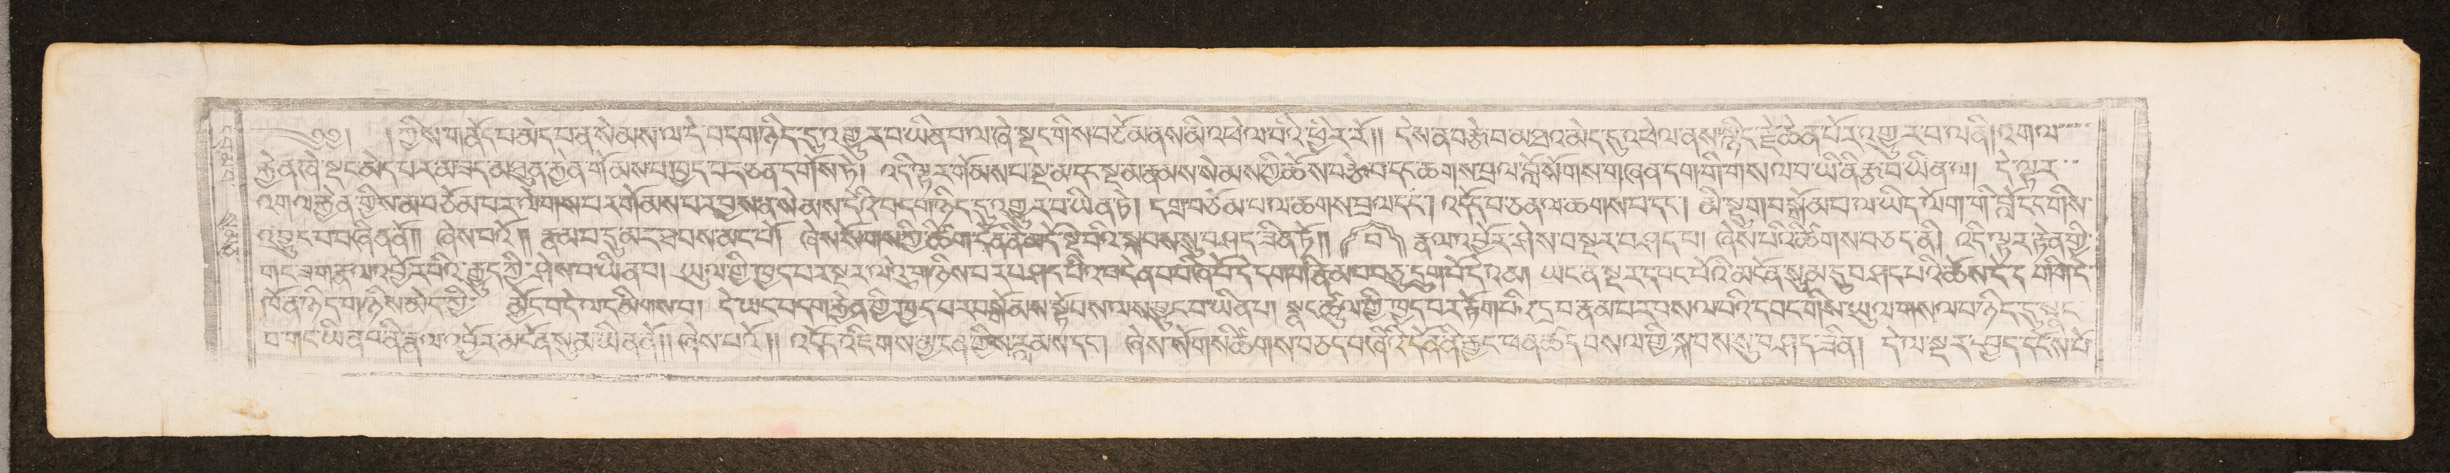༄༅། །ཀྱིས་གནོད་པ་མེད་པ་ན་སེམས་ལ་དེ་བདག་ཉིད་དུ་འགྱུར་བ་ཡིན་པ་ལ་ཞེས་སྡང་གིས་བཅོམ་ནས་མི་འཕེལ་བའི་ཕྱིར་རོ།། དེས་ན་བརྩེ་བ་མཐའ་མེད་དུ་འཕེལ་ནས་སྙིང་རྗེ་ཆེན་པོར་འགྱུར་བ་ལ་ནི། འགལ་
རྐྱེན་ཞེ་སྡང་མེད་པར་མ་ཟད་མཐུན་རྐྱེན་གོམས་པ་ཁྱད་པར་ཅན་དགོས་ཏེ། འདི་ལྟར་གོམས་པ་སྔ་མ་དང་སྔ་མ་རྣམས་སེམས་ཀྱི་ཆོས་བརྩེ་བ་དང་ཆགས་བྲལ་བློ་སོགས་གཞན་དག་གི་གསལ་བ་ཡི་ནི་རྩ་བ་ཡིན་ལ། དེ་ལྟར་
འགལ་རྐྱེན་གྱིས་མ་བཅོམ་པར་ལེགས་པར་གོམས་པར་བྱས་ན་སེམས་དེའི་བདག་ཉིད་དུ་འགྱུར་བ་ཡིན་ཏེ། དགྲ་བཅོམ་པ་ལ་ཆགས་བྲལ་དང་། འདོད་པ་ཅན་ལ་ཆགས་པ་དང་། མི་སྡུག་བསྒོམ་པ་ལ་ཡིད་ལོག་གི་བློ་ངང་གིས་
འབྱུང་བ་བཞིན་ནོ།། ཞེས་པའོ།། རྣམ་པ་དུ་མར་ཐབས་མང་པོ། ཞེས་སོགས་ཀྱི་ཚིག་དོན་ནི་མདོ་སྡེ་བའི་སྐབས་སུ་བཤད་ཟིན་ཏོ།། ༼༽བ༼༽ རྣལ་འབྱོར་ཤེས་བསྔར་བཤད་པ། ཞེས་པའི་ཚིགས་བཅད་ནི། འདི་ལྟར་རྟེན་གྱི་
གང་ཟག་རྣལ་འབྱོར་བའི་རྒྱུད་ཀྱི་ཤེས་པ་ཡིན་པ། ཡུལ་གྱི་ཁྱད་པར་སྔར་ལེའུ་གཉིས་པར་བཤད་པའི་བདེན་པ་བཞི་པོ་དེ་དག་གི་རྣམ་པ་བཅུ་དྲུག་པོ་དེ་འམ། ཡང་ན་སྔར་དབང་པོའི་མངོན་སུམ་དུ་བཤད་པའི་ཆོས་དེ་དག་གི་དེ་
ཁོ་ན་ཉིད་གཉིས་མེད་ཀྱི་མྱོང་བ་དེ་ལ་དམིགས་པ། དེ་ཡང་བདག་རྐྱེན་གྱི་ཁྱད་པར་བསྒོམས་སྟོབས་ལས་བྱུང་བ་ཡིན་པ། སྣང་ཚུལ་གྱི་ཁྱད་པར་རྟོག་པའི་དྲ་བ་རྣམ་པར་བསལ་བའི་དབང་གིས་ཡུལ་གསལ་བ་ཉིད་དུ་སྣང་
བ་གང་ཡིན་པ་ནི་རྣལ་འབྱོར་མངོན་སུམ་ཡིན་ནོ།། ཞེས་པའོ།། འདོད་འཇིགས་མྱ་ངན་གྱིས་རླམས་དང་། ཞེས་སོགས་ཚིགས་བཅད་བཞིའི་དོན་ནི་རྒྱང་ཕན་ཚད་བསལ་གྱི་སྐབས་སུ་བཤད་ཟིན། དེ་ལ་སྔར་དཔྱད་དངོས་པོ་